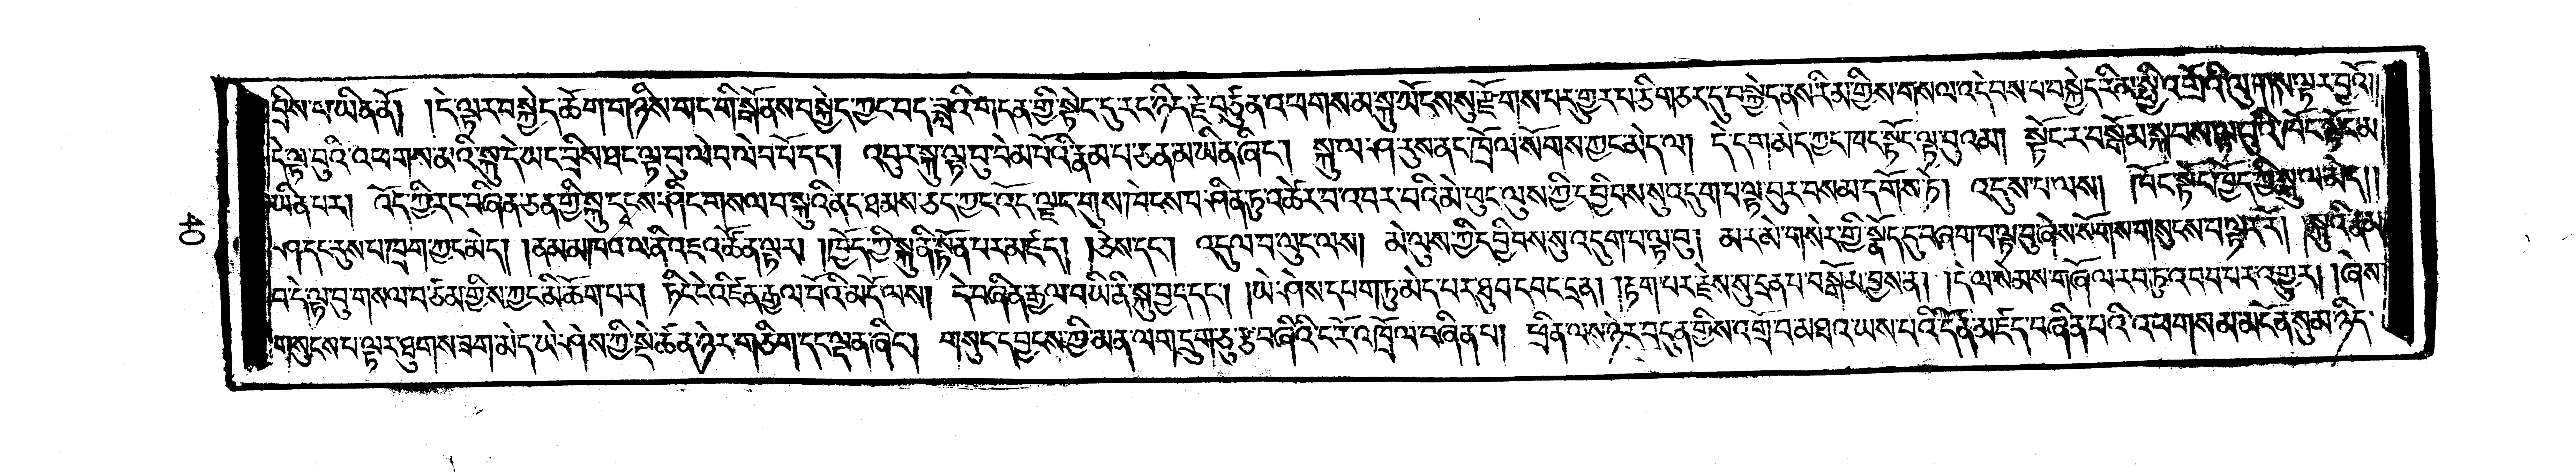བྲིས་པ་ཡིན་ནོ། །དེ་ལྟར་བསྐྱེད་ཆོག་གཉིས་གང་གི་སྒོ་ནས་བསྐྱེད་ཀྱང་བད་ཟླའི་གདན་གྱི་སྟེང་དུ་རང་ཉིད་རྗེ་བཙུན་འཕགས་མ་སྐུ་ཡོངས་སུ་རྫོགས་པར་གྱུར་པ་ཅིག་ཅར་དུ་བསྐྱེད་ནས་རིམ་གྱིས་གསལ་འདེབས་པ་བསྐྱེད་རིམ་སྤྱི་འགྲོའི་ལུགས་ལྟར་བྱའོ། །
དེ་ལྟ་བུའི་འཕགས་མའི་སྐུ་དེ་ཡང་བྲིས་ཐང་ལྟ་བུ་ལེབ་ལེབ་མོ་དང་། འབུར་སྐུ་ལྟ་བུ་བེམ་པོའི་རྣམ་པ་ཅན་མ་ཡིན་ཞིང་། སྐུ་ལ་ཤ་རུས་ནང་ཁྲོལ་སོགས་ཀྱང་མེད་ལ། དེ་དག་མེད་ཀྱང་ཁོང་སྟོང་ལྟ་བུའམ། སྟོང་ར་བསྒོམ་སྐབས་ལྟ་བུའི་ཁོང་སྟོང་མ་
ཡིན་པར། འོད་ཀྱི་རང་བཞིན་ཅན་གྱི་སྐུ་དྭངས་ཤིང་གསལ་བ་སྐུའི་ནང་ཐམས་ཅད་ཀྱང་འོད་ལྗང་གུས་ཁེངས་པ་ཤིན་ཏུ་འཚེར་བ་འབར་བའི་མེ་ཕུང་ལུས་ཀྱི་དབྱིབས་སུ་འདུག་པ་ལྟ་བུར་བསམ་དགོས་ཏེ། འདུས་པ་ལས། ཁོང་སྟོང་ཁྱོད་ཀྱི་སྐུ་ལ་མེད། །
ཤ་དང་རུས་པ་ཁྲག་ཀྱང་མེད། །ནམ་མཁའ་ལ་ནི་འཇའ་ཚོན་ལྟར། །ཁྱོད་ཀྱི་སྐུ་ནི་སྟོན་པར་མཛད། །ཅེས་དང་། འདུལ་བ་ལུང་ལས། མེ་ལུས་ཀྱི་དབྱིབས་སུ་འདུག་པ་ལྟ་བུ། མར་མེ་གསེར་གྱི་སྣོད་དུ་བཞག་པ་ལྟ་བུ་ཞེས་སོགས་གསུངས་པ་ལྟར་རོ། །སྐུའི་རྣམ་
བདེ་ལྟ་བུ་གསལ་བ་ཙམ་གྱིས་ཀྱང་མི་ཆོག་པར། ཏིང་ངེ་འཛིན་རྒྱལ་པོའི་མདོ་ལས། དེ་བཞིན་རྒྱལ་བ་ཡི་ནི་སྐུ་བྱད་དང་། །ཡེ་ཤེས་དཔག་ཏུ་མེད་པར་ཐུབ་དབང་དྲན། །རྟག་པར་རྗེས་སུ་དྲན་པ་བསྒོམ་བྱས་ན། །དེ་ལ་སེམས་གཞོལ་རབ་ཏུ་འབབ་བར་འགྱུར། །ཞེས་
གསུངས་པ་ལྟར་ཐུགས་ཟག་མེད་ཡེ་ཤེས་ཀྱི་སྡེ་ཚན་ཉེར་གཅིག་དང་ལྡན་ཞིང་། གསུང་དབྱངས་ཀྱི་ཡན་ལག་དྲུག་ཅུ་རྩ་བཞིའི་ང་རོ་འཁྲོལ་བཞིན་པ། ཕྲིན་ལས་ཉེར་བདུན་གྱིས་འགྲོ་བ་མཐའ་ཡས་པའི་དོན་མཛད་བཞིན་པའི་འཕགས་མ་མངོན་སུམ་ཉིད་